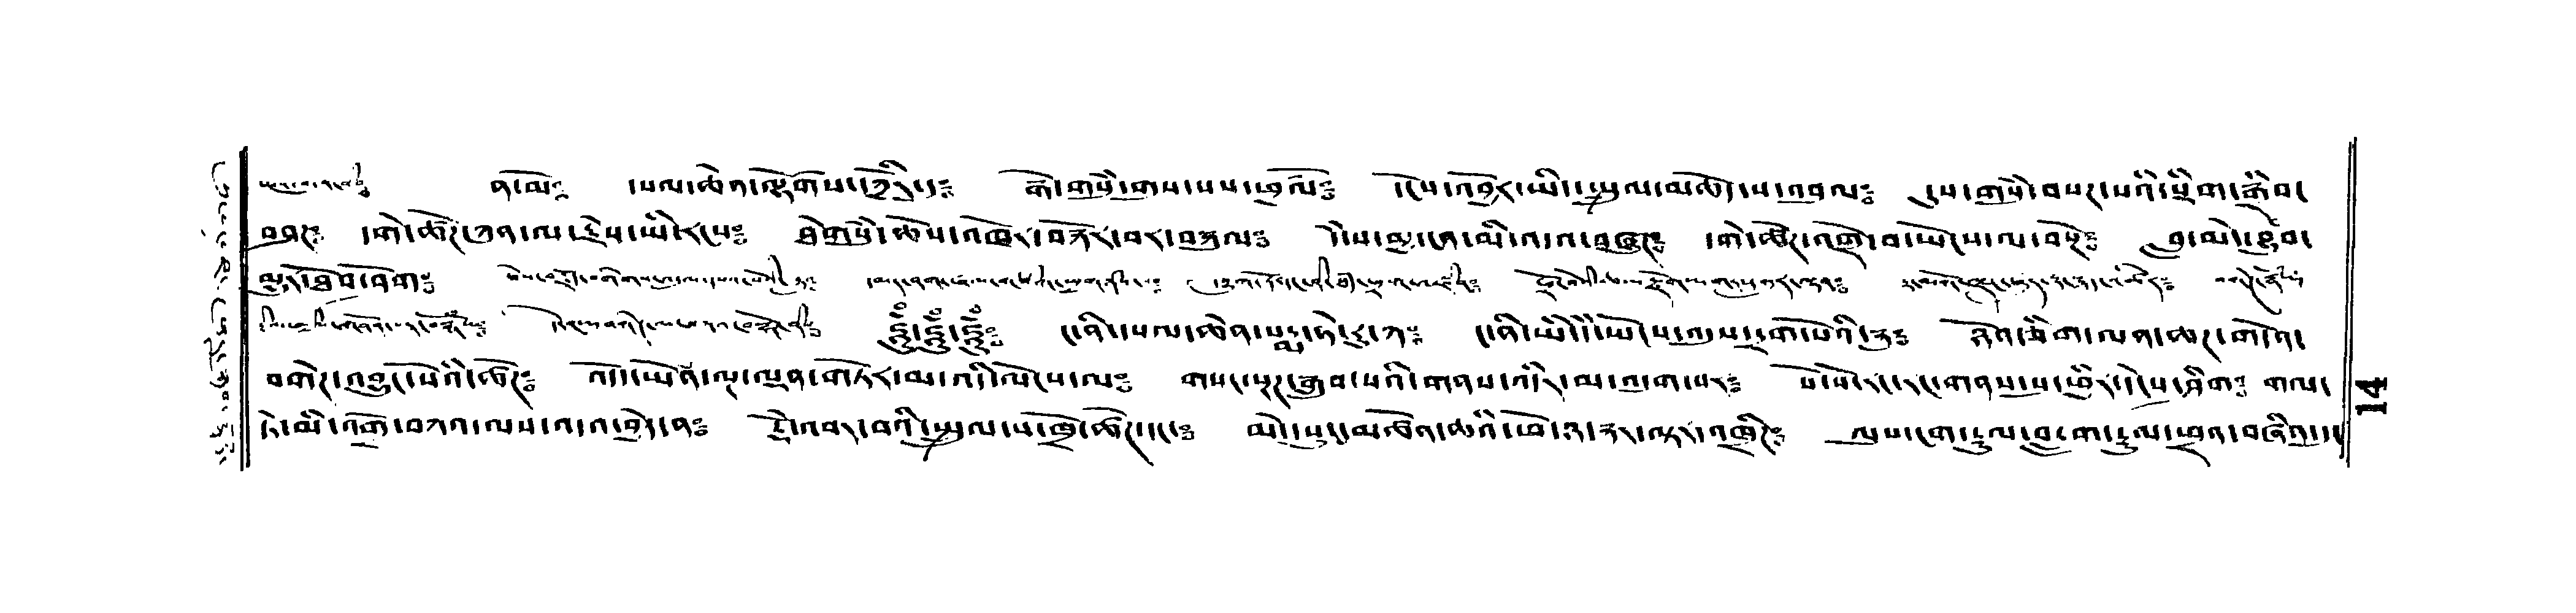ཡན་བདུན་ནི༔ ན་མོ༔ དཔལ་ཆེན་ལྷ་ཚོགས་དཀྱིལ་འཁོར་དུ༔ སྒོ་གསུམ་གུས་པས་ཕྱག་འཚལ་ལོ༔ དངོས་འབྱོར་ཡིད་སྤྲུལ་མཆོད་པ་འབུལ༔ དུས་གསུམ་བསགས་པའི་སྡིག་སྒྲིབ་
བཤགས༔ དགེ་ཚོགས་ཀུན་ལ་རྗེས་ཡི་རངས༔ ཐེག་གསུམ་ཆོས་འཁོར་བསྐོར་བར་བསྐུལ༔ དམ་པ་མྱ་ངན་མི་འདའ་བཞུགས༔ དགེ་ཚོགས་འགྲོ་བ་ཡོངས་ལ་བསྔོ༔ བླ་མེད་བྱང་ཆུབ་
མྱུར་ཐོབ་ཤོག༔ ཅེས་བརྗོད་བགེགས་འདུལ་དཔའ་བོའི་སྐུ༔དམར་ནག་ཞལ་གཅིག་ཕྱག་གཉིས་པ༔ དབྱུུག་ཏོ་དང་ནི་ཐོད་ཕྲག་འཛིན༔ ཁྲོ་བོའི་ཆས་རྫོགས་གར་དགུར་ལྡན༔ རྟ་མགོ་ལྗང་ཞུར་རྟ་སྐད་འཚེར༔ བགེགས་རྣམས་
ཟིལ་གྱིས་གནོན་པར་བསྒོམས༔ དེ་ནས་བགེགས་ལ་བཀའ་བསྒོ་ནི༔ ཧཱུྃ་ཧཱུྃ་ཧཱུྃ༔ ང་ནི་དཔལ་ཆེན་པདྨ་ཧེ་རུ་ཀ༔ ང་ནི་ཡི་དམ་ཡོངས་འདུས་དྲག་པོའི་སྐུ༔ ཉོན་ཅིག་ལན་ཆགས་གདོན་
བགེགས་འབྱུང་པོའི་ཚོགས༔ འདོད་ཡོན་ལྔ་ལྡན་གཏོར་མ་འདི་ལོངས་ལ༔ གསང་སྔགས་སྒྲུབ་པའི་གནས་འདིར་མ་འདུག་པར༔ སོ་སོ་རང་རང་གནས་སུ་ཕྱིར་དེངས་ཤིག༔ གལ་
ཏེ་མི་འགྲོ་བཀའ་ལས་འདའ་བྱེད་ན༔ རྡོ་རྗེ་འབར་བའི་སྤྲུལ་པ་ཁྲོ་ཚོགས་དང༔ མེ་དཔུང་མཚོན་ཆའི་ཕོ་ཉ་སྐར་ལྟར་འཁྲིགས༔ ལུས་ངག་རྡུལ་བརླག་རྡུལ་ཕྲན་བཞིན་དུ་